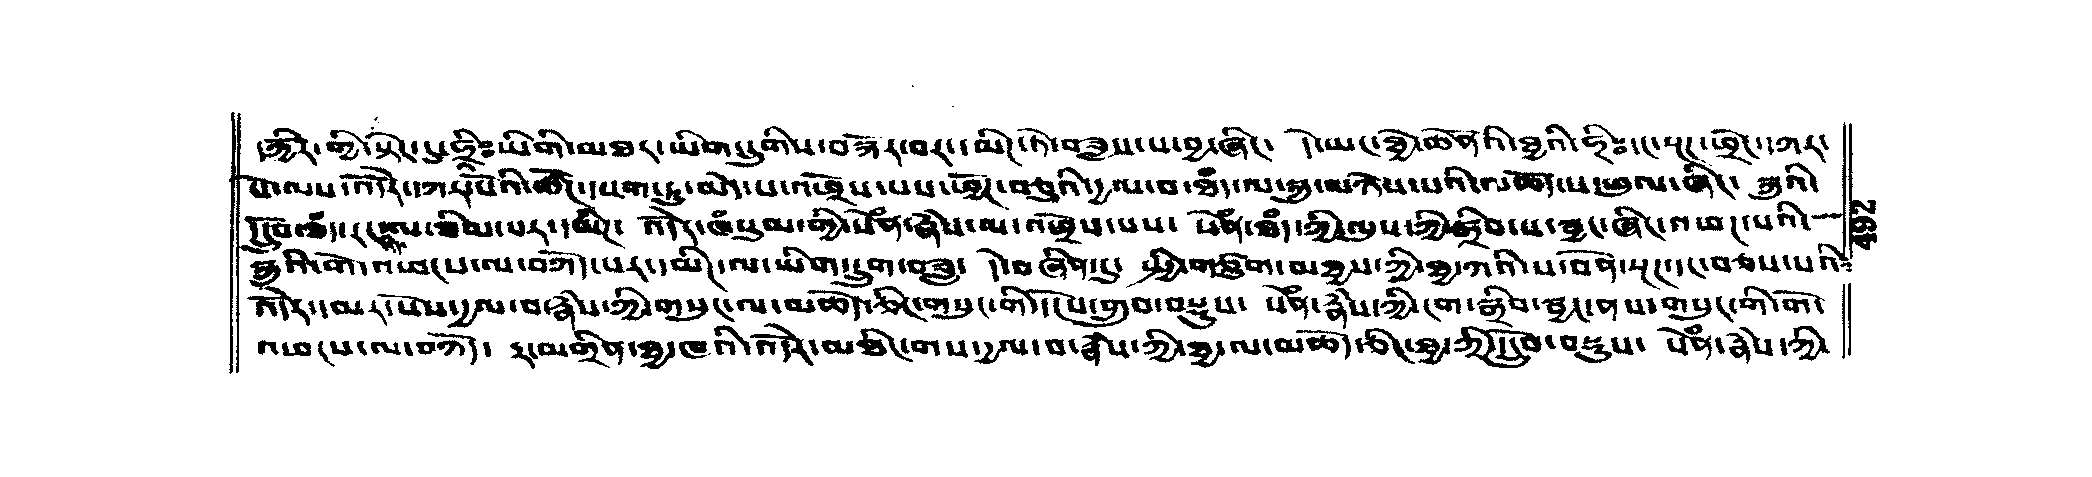དཀྱིལ་འཁོར་གྱི་སྟེང་དུ་ཧྲཱིཿཡིག་གི་མཐར་ཡིག་དྲུག་གིས་བསྐོར་བར་དམིགས་ཏེ་བཟླས་པ་བྱ་ཞིང་། དེ་ཡང་ཐུགས་རྗེ་ཆེན་པོའི་ཐུགས་ཁའི་ཧྲིཿདང་སྔགས་ཕྲེང་དཀར་
པོ་ལས་འོད་ཟེར་དཀར་པོའི་ཚོགས་དཔག་ཏུ་མེད་པ་འཕྲོས་པས་ཕྱོགས་བཅུའི་རྒྱལ་བ་ཐམས་ཅད་ལ་སྐུ་མཉེས་པའི་མཆོད་པ་ཕུལ་ཞིང་། སྐུའི་
དགོས་གྲུབ་ཐམས་ཅད་རང་ཉིད་ཐིམ་པར་དམིགས། འོད་ཟེར་ཁམས་གསུམ་གྱི་སེམས་ཅན་རྣམས་ལ་འཕྲོས་པས། སེམས་ཅན་ཐམས་ཅད་ཀྱི་ལུས་ཀྱི་སྒྲིབ་པ་སྦྱང་ཞིང་འཕགས་པའི་
སྐུའི་གོ་འཕང་ལ་བཀོད་པར་དམིགས་ལ་བཀོད་པར་དམིགས་ལ་ཡིག་དྲུག་བཟླ། དེ་བཞིན་དུ་སྤྱི་གཙུག་མཐའ་ཡས་ཀྱི་ཐུགས་ཀའི་ས་བོན་སྔགས་དང་བཅས་པའི་
འོད་ཟེར་དམར་པོས་རྒྱལ་བ་རྣམས་ཀྱི་གསུང་ལ་མཆོད་ཅིང་གསུང་གི་དངོས་གྲུབ་བསྡུས། སེམས་ཅན་རྣམས་ཀྱི་ངག་སྒྲིབ་སྦྱང་ནས་གསུང་གི་གོ་
འཕང་ལ་བཀོད། རྟ་མགྲིན་ཐུགས་ཁའི་འོད་ཟེར་མཐིང་གས་རྒྱལ་བ་རྣམས་ཀྱི་ཐུགས་ལ་མཆོད་ཅིང་ཐུགས་ཀྱི་དངོས་གྲུབ་བསྡུས།སེམས་ཅན་རྣམས་ཀྱི་